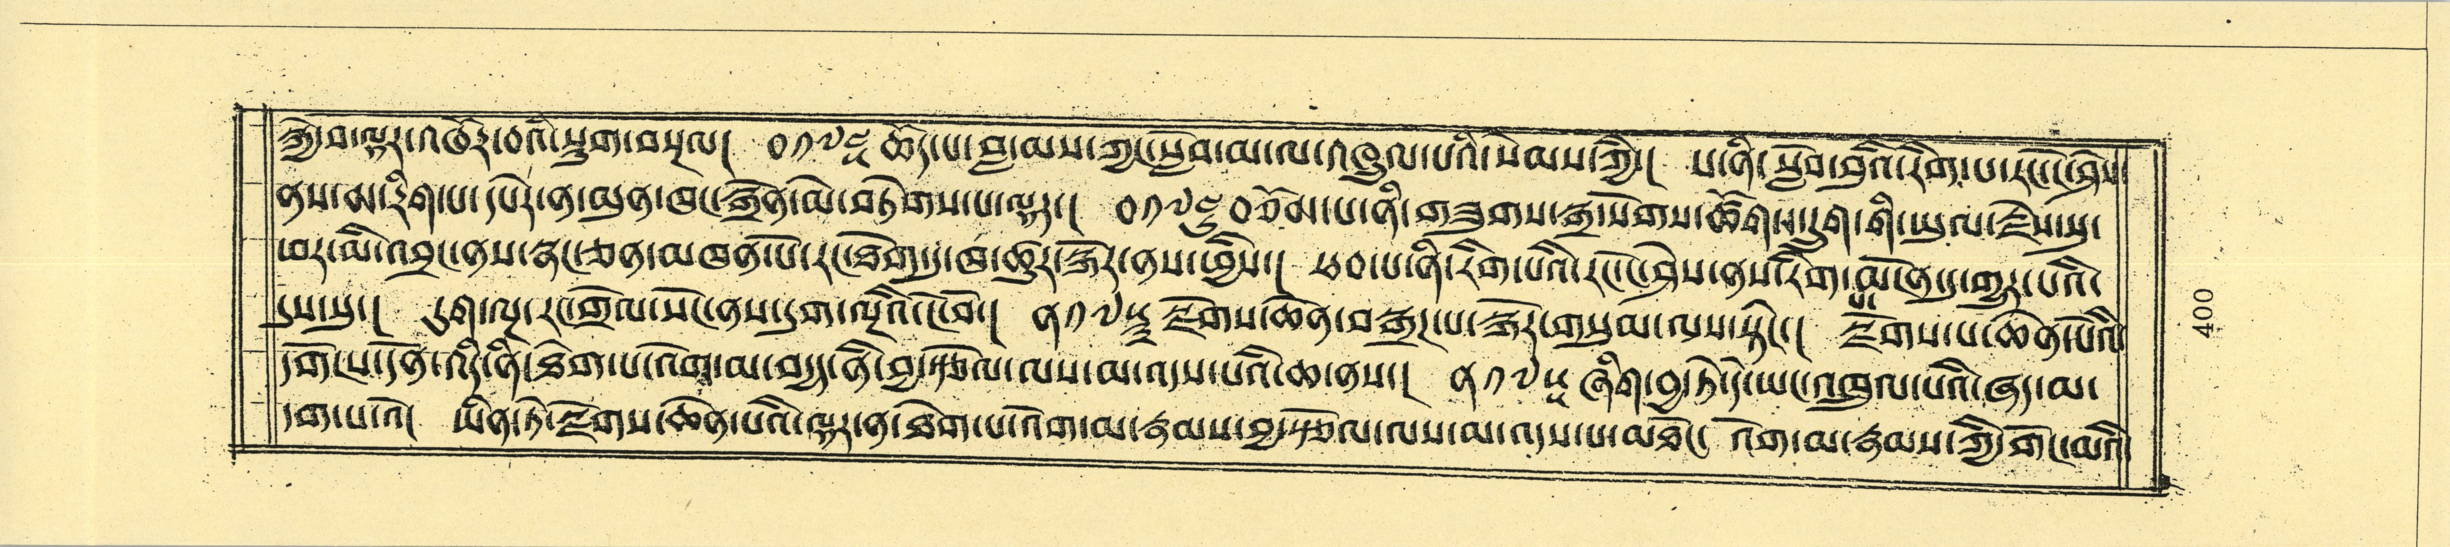སྐྱེ་བ་ ༼ལྟར་འཁོར་བའི་༽སྡུག་བསྔལ། བ༡༧༤།༥ ༼ཆོད་པ་༽བླ་མས་ཀྱང་སློབ་མ་ལ་ ༼འཁྲུལ་པའི་༽སེམས་ཀྱི། ༼པ་ནི་༽སློབ་བུའི་རིག་པ་རང་ངོ་ཤེས་
ནས་ ༼མ་རིག་པ་༽དཔེར་ན་མུན་ཁང་སྒྲོན་མེ་བཏེགས་པ་ལྟར། བ༡༧༤།༦ ༼བཅོམ་པ་ནི་༽གཟུགས་སྒྲ་སོགས་ ༼ཚོགས་དྲུག་གི་༽ཡུལ་རྗེས་སུ་
ཕར་མི་འབྲང་ནས་སྣང་ཅན་མཁན་པོ་རང་ཐོག་ཏུ་ཁ་ཚུར་སྐོར་ནས་ཕྱིས། ༼ཕབ་པ་ནི་༽རིག་པའི་རང་ངོ་ཤེས་ནས་རིག་པ་མངོན་དུ་གྱུར་པའི་
དུས་སུ། ༼དུག་ལྔ་༽རང་གྲོལ་སོང་ནས་དུག་ལྔའི་ངོ་བོ། ན༡༧༥།༣ སྫོགས་ཆེན་བསྒྲགས་པ་སྐོར་གསུམ་ལས་སྟེང། སྫོགས་པ་ཆེན་པོའི་
དགོངས་དོན་ ༼འདི་ནི་༽ཐེག་པ་འོག་མ་བརྒྱད་ནི་བྱ་སྩོལ་ལས་མ་འདས་པའི་ཆ་ནས། ན༡༧༥།༥ ༼ཞིག་བྱ་༽ཏེ་དེ་ཡང་འཁྲུལ་པའི་ཞད་མ་
དག་པའོ། ༼ཡིན་ཏེ་༽སྫོགས་ཆེན་པའི་ལྟར་ན་ཐེག་པ་འོག་མ་རྣམས་བྱ་སྩོལ་ལས་མ་འདས་པ་མཐོང། འོག་མ་རྣམས་ཀྱི་གོང་མའི་